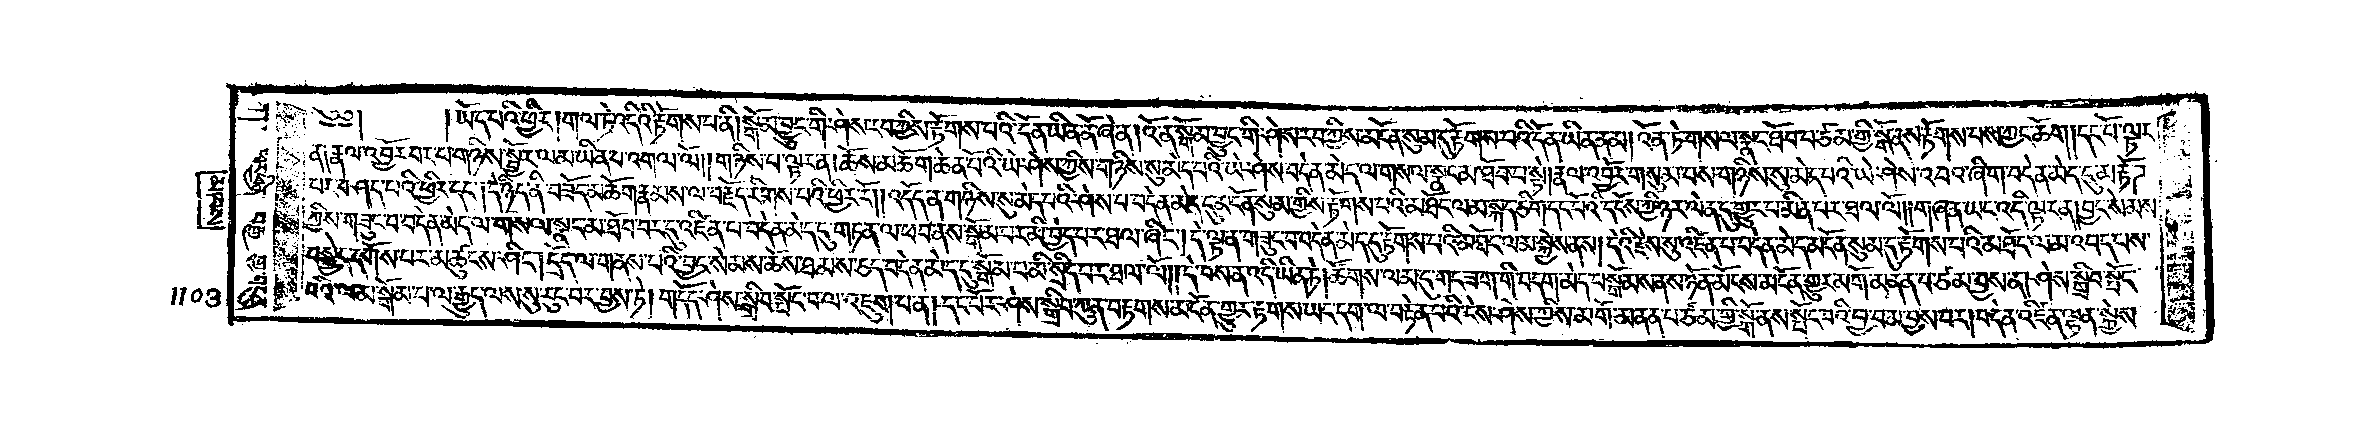༄༅། །ཡོད་པའི་ཕྱིར། གལ་ཏེ་འདིའི་རྟོགས་པ་ནི། སྒོམ་བྱུང་གི་ཤེས་རབ་ཀྱིས་རྟོགས་པའི་དོན་ཡིན་ནོ་ཞེ་ན། འོ་ན་སྒོམ་བྱུང་གི་ཤེས་རབ་ཀྱིས་མངོན་སུམ་དུ་རྟོགས་པའི་དོན་ཡིན་ནམ། འོན་ཏེ་གསལ་སྣང་ཐོབ་པ་ཙམ་གྱི་སྒོ་ནས་རྟོགས་པས་ཀྱང་ཆོག། དང་པོ་ལྟར་
ན། རྣལ་འབྱོར་བར་པ་གཉིས་སྦྱོར་ལམ་ཡིན་པ་འགལ་ལོ། །གཉིས་པ་ལྟར་ན། ཆོས་མཆོག་ཆེན་པོའི་ཡེ་ཤེས་ཀྱིས་གཉིས་སུ་མེད་པའི་ཡེ་ཤེས་བདེན་མེད་ལ་གསལ་སྣང་མ་ཐོབ་པ་སྟེ། རྣལ་འབྱོར་གསུམ་པས་གཉིས་སུ་མེད་པའི་ཡེ་ཤེས་འབའ་ཞིག་བདེན་མེད་དུ་མ་རྟོགས་
པར་བཤད་པའི་ཕྱིར་དང་། དེ་ཉིད་ནི་བཟོད་མཆོག་རྣམས་ལ་བརྗོད་རིགས་པའི་ཕྱིར་རོ། །འདོད་ན་གཉིས་སུ་མེད་པའི་ཤེས་པ་བདེན་མེད་དུ་མངོན་སུམ་གྱིས་རྟོགས་པའི་མཐོང་ལམ་སྐད་ཅིག་དང་པོའི་དངོས་ཀྱི་ཉེར་ལེན་དུ་གྱུར་པ་མིན་པར་ཐལ་ལོ། །གཞན་ཡང་འདི་ལྟར་ན། བྱང་སེམས་
ཀྱིས་གཟུང་བ་བདེན་མེད་ལ་གསལ་སྣང་མ་ཐོབ་བར་དུ་འཛིན་པ་བདེན་མེད་དུ་གཏན་ལ་ཕབ་ནས་སྒོམ་པར་མི་བྱེད་པར་ཐལ་ཞིང་། དེ་ལྟ་ན་གཟུང་བ་བདེན་མེད་དུ་རྟོགས་པའི་མཐོང་ལམ་སྐྱེས་ནས། དེའི་རྗེས་སུ་འཛིན་པ་བདེན་མེད་མངོན་སུམ་དུ་རྟོགས་པའི་མཐོང་ལམ་འབད་པས་
བསྐྱེད་དགོས་པར་མཚུངས་ཤིང་། དྲོད་ལ་གནས་པའི་བྱང་སེམས་ཆོས་ཐམས་ཅད་བདེན་མེད་དུ་སྒོམ་པ་མི་སྲིད་པར་ཐལ་ལོ། །དེ་བས་ན་འདི་ཡིན་ཏེ། ཚོགས་ལམ་དུ་གང་ཟག་གི་བདག་མེད་པ་སྒོམས་ནས་ཉོན་མོངས་མངོན་གྱུར་མགོ་མནན་པ་ཙམ་བྱས་ན། ཤེས་སྒྲིབ་སྤོང་
བའི་ལམ་སྒོམ་པ་ལ་རྒྱུད་ལས་སུ་རུང་བར་བྱས་ཏེ། གདོད་ཤེས་སྒྲིབ་སྤོང་བ་ལ་འཇུག་པ་ན། དང་པོར་ཤེས་སྒྲིབ་ཀུན་བརྟགས་མངོན་གྱུར་རྟགས་ཡང་དག་ལ་བརྟེན་པའི་ངེས་ཤེས་ཀྱིས་མགོ་མནན་པ་ཙམ་གྱི་སྒོ་ནས་སྤོང་བའི་བྱ་བ་མ་བྱས་པར། བདེན་འཛིན་ལྷན་སྐྱེས་